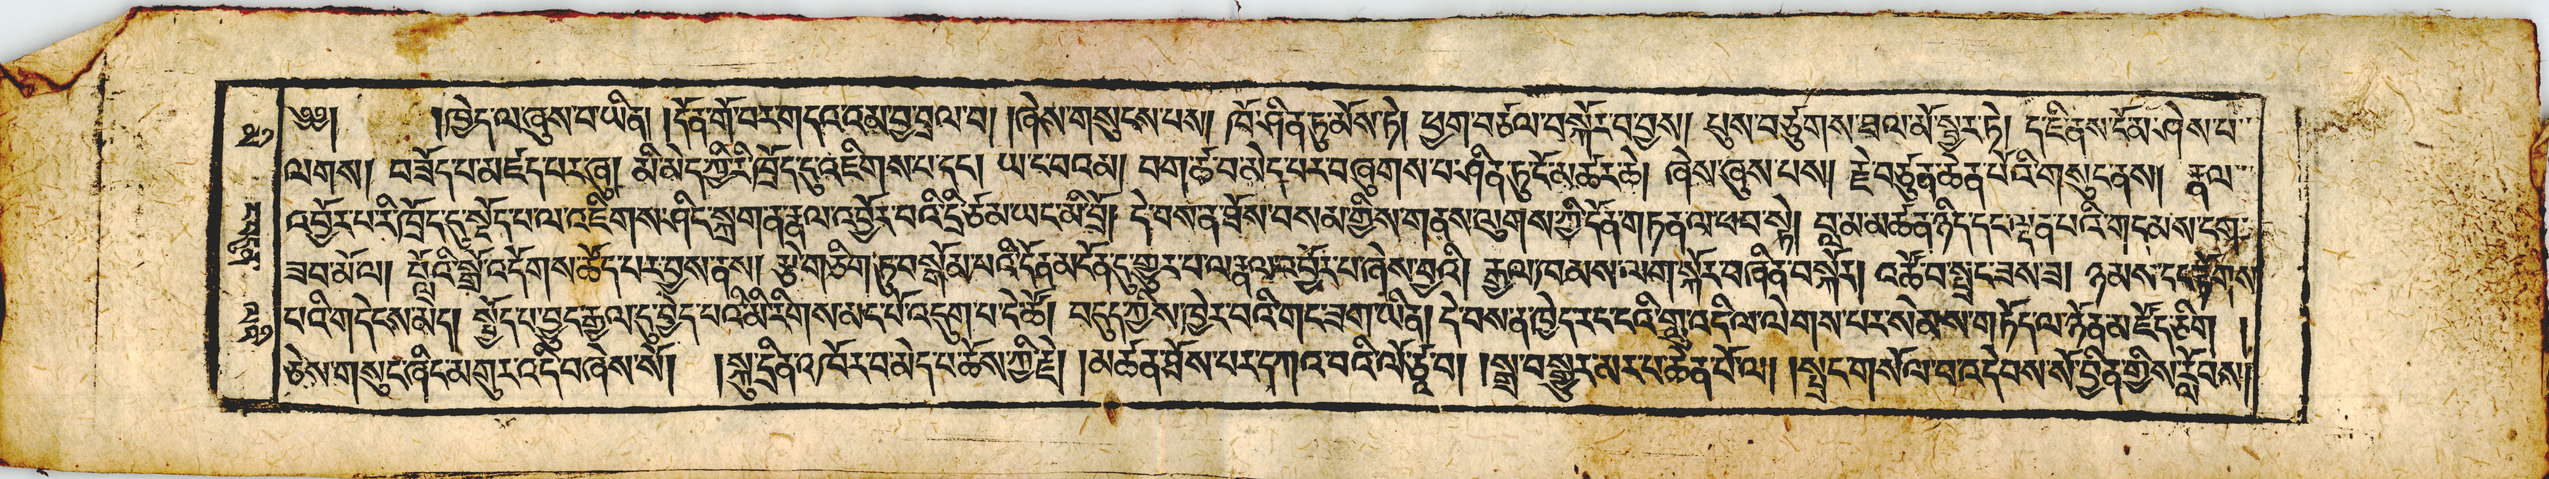ཁྱེད་ལ་ཞུས་པ་ཡིན། །དོན་གོ་བར་གདའ་འམ་བྱ་བྲལ་བ། །ཞེས་གསུངས་པས། ཁོ་ཤིན་ཏུ་མོས་ཏེ། ཕྱག་བཙལ་བསྐོར་བ་བྱས། པུས་བཙུགས་ཐལ་མོ་སྦྱར་ཏེ། ད་ཇི་ནས་ངོ་མ་ཤེས་པ་
ལགས། བཟོད་པ་མཛད་པར་ཞུ། མི་མེད་ཀྱི་རི་ཁྲོད་དུ་འཇིགས་པ་དང་། ཡ་ང་བའམ། བག་ཚ་བ་མེད་པར་བཞུགས་པ་ཤིན་ཏུ་ངོ་མཚར་ཆེ། ཞེས་ཞུས་པས། རྗེ་བཙུན་ཆེན་པོའི་གསུང་ནས། རྣལ་
འབྱོར་པ་རི་ཁྲོད་དུ་སྡོད་པ་ལ་འཇིགས་ཤིང་སྐྲག་ན་རྣལ་འབྱོར་བའི་དྲི་ཙམ་ཡང་མི་བྲོ། དེ་བས་ན་ཐོས་བསམ་གྱིས་གནས་ལུགས་ཀྱི་དོན་གཏན་ལ་ཕབ་སྟེ། བླ་མ་མཚན་ཉིད་དང་ལྡན་པའི་གདམས་ངག་
ཟབ་མོ་ལ། བློའིས་སྒྲོ་འདོགས་ཆོད་པར་བྱས་ནས། རྩེ་གཅིག་ཏུ་བསྒོམ་པའི་དོན་མངོན་དུ་གྱུར་པ་ལ་རྣལ་འབྱོར་པ་ཞེས་བྱའི། རྒྱལ་ཁམས་ལག་སྐོར་བཞིན་བསྐོར། འཚོ་བ་སྤྲང་ཟས་ཟ། ཉམས་དང་རྟོགས་
པའི་གདེངས་མེད། སྤྱོད་པ་བྱུང་རྒྱལ་དུ་བྱེད་པའི་མི་རིགས་མང་པོ་འདུག་པ་དེ་ཚོ། བདུད་ཀྱིས་ཁྱེར་བའི་གང་ཟག་ཡིན། དེ་བས་ན་ཁྱེད་རང་ངའི་གླུ་འདི་ལ་ལེགས་པར་སེམས་གཏོད་ལ་ཉོན་མཛོད་ཅིག །
ཅེས་གསུང་ཞིང་མགུར་འདི་བཞེས་སོ། །སྐུ་དྲིན་འཁོར་བ་མེད་པ་ཆོས་ཀྱི་རྗེ། །མཚན་ཐོས་པར་དཀའ་བའི་ལོ་ཙཱ་བ། །སྒྲ་བསྒྱུར་མར་པ་ཆེན་པོ་ལ། །སྤྲང་གསོལ་བ་འདེབས་སོ་བྱིན་གྱིས་རློབས། །